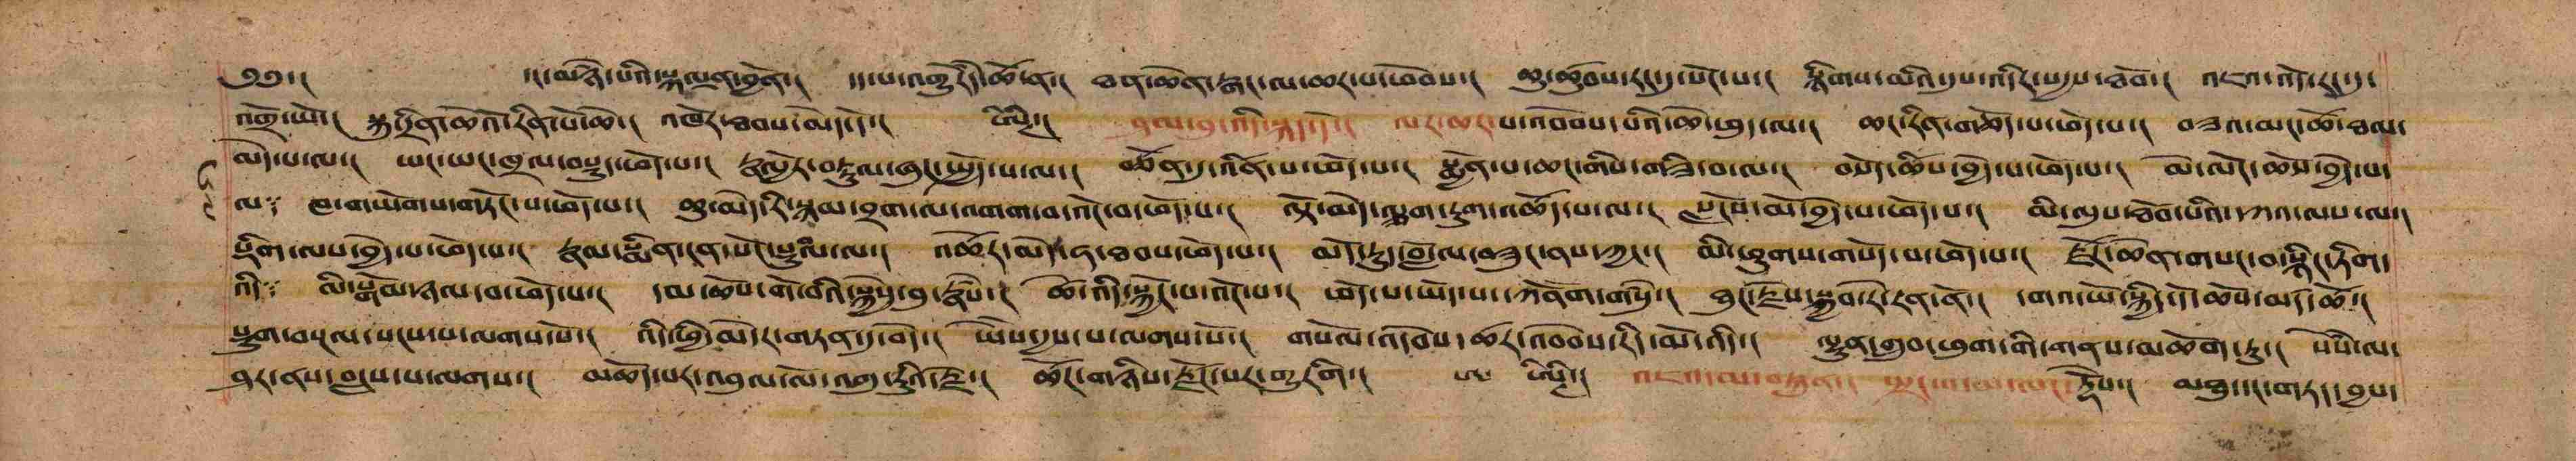༄༅་། དང་མཉམ་པའི་སྐལ་ལྡན་བྱོན། དད་པ་འགྱུར་མེད་ཚེ་ན། ཐན་ཆེན་རྒང་ལ་ཆར་པ་ཕོབས། ཆུ་ཚུབས་རང་དུ་སོང་པ། སྙིགས་མའི་དུས་འདིར་སངས་རྒྱས་ཐོབ། འཇའ་འོད་རང་དུ་
འགྲོ་ཡོ། སྐུ་དྲིན་ཆེའོ་རིན་པོ་ཆེ། འཁོར་ཐབས་མེད་དོ། ཨིཊི། ཤལ་བུ་འདི་སྐད་དོ། ལར་ཆར་པ་འབེབས་པའི་ཆེ་ཕུད་ལ། ཆང་རིན་གཅོད་པ་ཕོད་པ། བཟའ་མང་ཚེ་ཐལ་
མེད་པ་ལ། ཡང་ཡང་ཁྲལ་བསྡུད་ཕོད་པ། རྣལ་འབྱོར་བརྟུལ་ཞུགས་སྤྱོད་པ་ལ། བཙོན་དུ་འཛིན་པ་ཕོད་པ། སྨྱོན་པ་ཆང་གིས་གཟི་བ་ལ། བསོད་ཚིས་བྱེད་པ་ཕོད་པ། མེ་ལོང་ཆོས་བྱེད་པ་
ལ༑ ཁ་གཡོགས་གཏོང་པ་ཕོད་པ། ཆུ་མེད་རི་སྙམ་བྲག་ལ་འགག་བ་འོང་བ་ཕོད་པ། ལྟོ་མེད་ལྕག་རུག་འཚོད་པ་ལ། སློངས་མོ་བྱེད་པ་ཕོད་ས། མི་ལུས་ཐོབ་པའི་དཀའ་ལས་ལ། 
སྡིག་ལས་བྱེད་པ་ཕོད་པ། རྣམ་སྨིན་ངན་སོང་སྡུག་བསྔལ་ལ། འཚེར་མེད་ཧ་ཐབས་ཕོད་པ། མདོ་དྱུད་བློ་ལ་བཟུང་ནས་ཀྱང་། མི་ཕྱུགས་གསོད་པ་ཕོད་པ། རྫོགས་ཆེན་གསང་བ་སྙིང་ཏིག་
འདི༑ མི་སྒོམ་ཉལ་བ་ཕོད་པ། དམ་ཆོས་གོ་བའི་སྐྱེས་བུ་རྣམས། ཚེ་འདི་སྐྱོང་པ་འོང་པ། ཕོད་པ་ཡོད་པ་དཀོན་མཆོག་གསུམ། ཐུགས་རྗེས་སྐྱབ་རེ་རན་ནོ། དགའ་ཡོ་སྐྱིད་དོ་ཆོས་མཛད་ཚོ། 
སྡུག་བསྔལ་སངས་པ་ལགས་སོ། འདི་ཕྱི་མེད་པར་གཏན་དུ་བདེ། ཡེ་ཤེས་རྒྱས་པ་ལགས་སོ། གསོལ་འདེབས་ཚར་འབེབས་རིང་མོ་འདི། ལྷུན་གྲུབ་ཕུག་གི་གནས་མཆོག་ཏུ། སེམས་ལ་
ཤར་ནས་བླངས་པ་ལགས། མཆོད་པར་འབུལ་ལོ་འགུ་རུའི་རྗེ། ཚོགས་གཉིས་རྫོགས་པར་གྱུར་ཅིག། ཨ ཨིཊི། འཇའ་མ་བསྐུན། སྤྲང་བ་མ་ལང་རྡོ་རྗེས། མཐུ་དང་གཏད་བྱས་